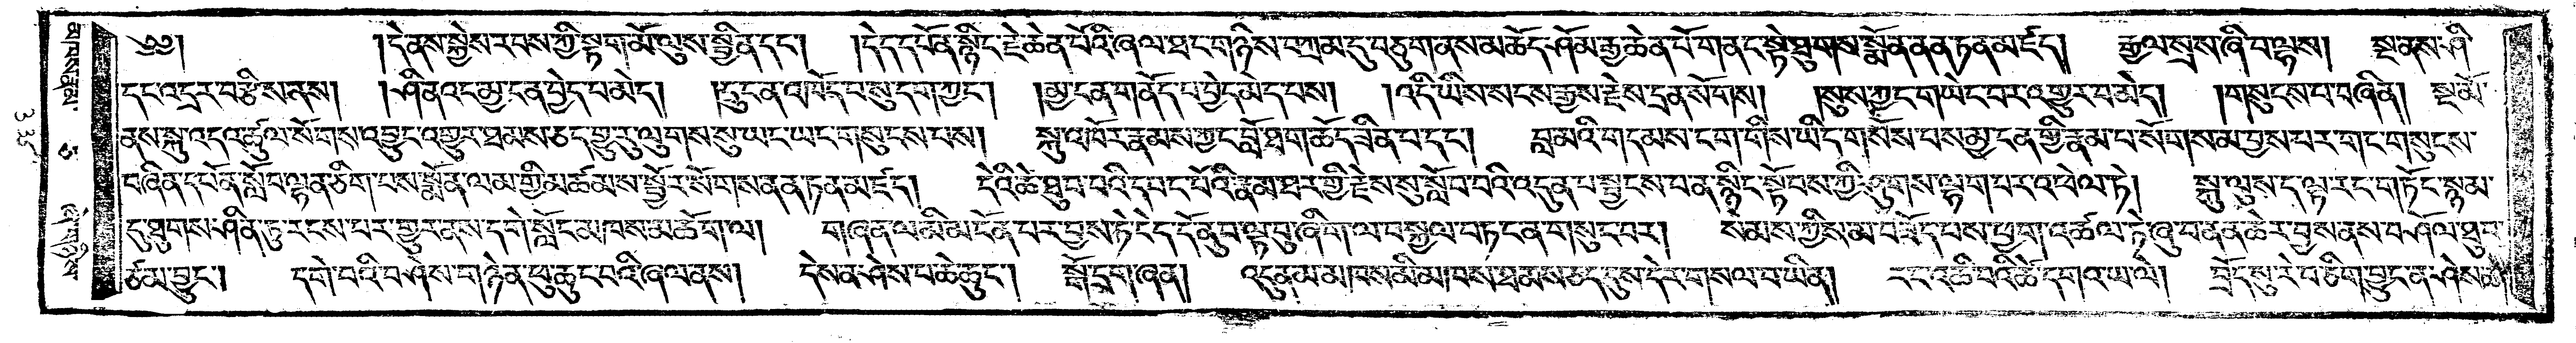༄༅། །དེ་ནས་སྐྱེས་རབས་ཀྱི་སྟག་མོ་ལུས་སྦྱིན་དང་། །དེད་དཔོན་སྙིང་རྗེ་ཆེན་པོའི་ཞལ་ཐང་གཉིས་བཀྲམ་དུ་བཅུག་ནས་མཆོད་ཤོམ་རྒྱ་ཆེན་པོ་གནང་སྟེ་ཐུགས་སྨོན་ནན་ཏན་མཛད། རྒྱལ་སྲས་ཞི་བ་ལྷས། སྔ་ནས་ཤི་
དང་འདྲར་བརྩིས་ནས། །ཤི་ནའང་མྱ་ངན་བྱེད་པ་མེད། །དྲུང་ན་འཁོད་པ་སུ་དག་ཀྱང་། །མྱ་ངན་གནོད་པ་བྱེད་མེད་པས། །འདི་ཡིས་སངས་རྒྱས་རྗེས་དྲན་སོགས། །སུས་ཀྱང་གཡེང་བར་འགྱུར་བ་མེད། །གསུངས་པ་བཞིན། སྔ་མོ་
ནས་སྐུ་འདའ་ཚུལ་སོགས་འབྱུང་འགྱུར་ཐམས་ཅད་བྱུ་རུ་ལུགས་སུ་ཡང་ཡང་གསུངས་པས། སྐུ་འཁོར་རྣམས་ཀྱང་བློ་ཐག་ཆོད་ཟིན་པ་དང་། བླ་མའི་གདམས་ངག་གིས་ཡིད་གསོས་པས་མྱ་ངན་གྱི་རྣམ་པ་སོགས་མ་བྱས་པར་གང་གསུངས་
བཞིན་དཔོན་སློབ་ལྷན་ཅིག་པས་སྨོན་ལམ་གྱི་མཚམས་སྦྱོར་སོགས་ནན་ཏན་མཛད། དེའི་ཚེ་ཐུབ་པའི་དབང་པོའི་རྣམ་ཐར་གྱི་རྗེས་སུ་སློབ་བའི་འདུན་པ་སྦྱངས་པ་ན་སྙིང་སྟོབས་ཀྱི་ཤུགས་ལྷག་པར་འཕེལ་ཏེ། སྐུ་ལུས་ད་ལྟ་རང་གཏོང་སྙམ་
དུ་ཐུགས་ཤིན་ཏུ་རང་པར་གྱུར་ནས་དགེ་སློང་མཁས་མཆོག་ལ། གཞན་ལ་མི་མངོན་ལ་ཨམི་མངོན་པར་བྱས་ཏེ་ངེད་དོ་ནུབ་ལྟ་བུ་ཞིག་ལ་བསྐྱལ་བཏང་ན་གསུངས་བར། སེམས་ཀྱིས་མ་བཟོད་པས་ཕྱག་འཚལ་ཏེ་ཞུ་བ་ནན་ཆེར་བྱས་ནས་བཤོལ་ཐུབ་མེད་པར་ས་ཐམས་ཅད་སྨུག་ཤིག་གེ་བྱེད་ཅིང་། ཤུལ་ན་གདུང་རུས་ཅུང་ཟད་ཙམ་དང་དབུ་སྐྲ་ཉག་མ་གཅིག་
ཙམ་བྱུང་། དགེ་བའི་བཤེས་གཉེན་ཕུ་ཆུང་བའི་ཞལ་ནས། དེས་ན་ཤེས་པ་ཆེ་ཆུང་། སྒོ་དྲག་ཞན། འདུན་མ་མཁས་མི་མཁས་ཐམས་ཅད་དུས་དེར་གསལ་བ་ཡིན། རང་འཆི་བའི་ཚེ་དགའ་ཡ་ལེ། བྲོད་སུ་རེ་བ་ཅིག་བྱུང་ན་ཤེས་ཆེ་